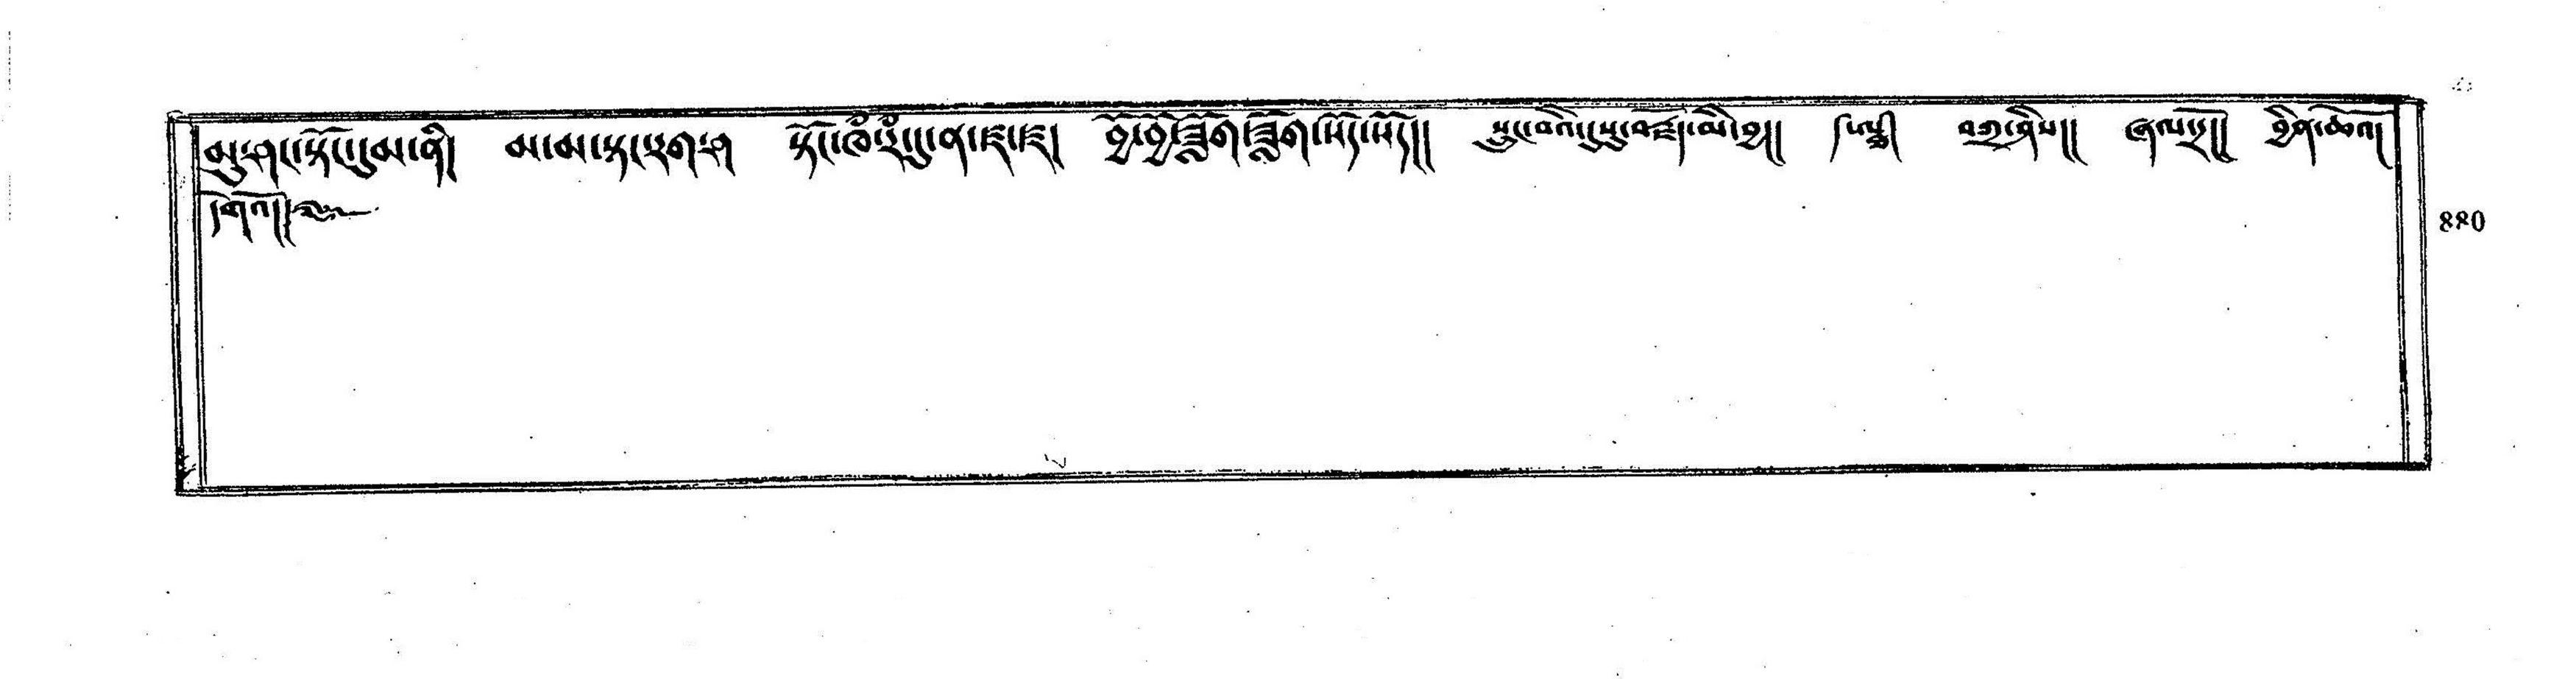མུ་ཤང་སྟོང་དུམ་ནི། མ་མ་སྟང་རག་ཤ སྟོང་ཁཾ་རཾ་དུ་ན་ཛ་ཛ། བྱོ་བྱོ་ཟློག་ཟློག་སོད་སོད།། སྲུང་བའི་དུས་སུ་བརྗོད་མི་བྱ།། ཨྠིྀ བཀྲ་ཤིས།། ཞལ་དྲོ།། བྱིན་ཆེའོ། 
དགེའོ།།